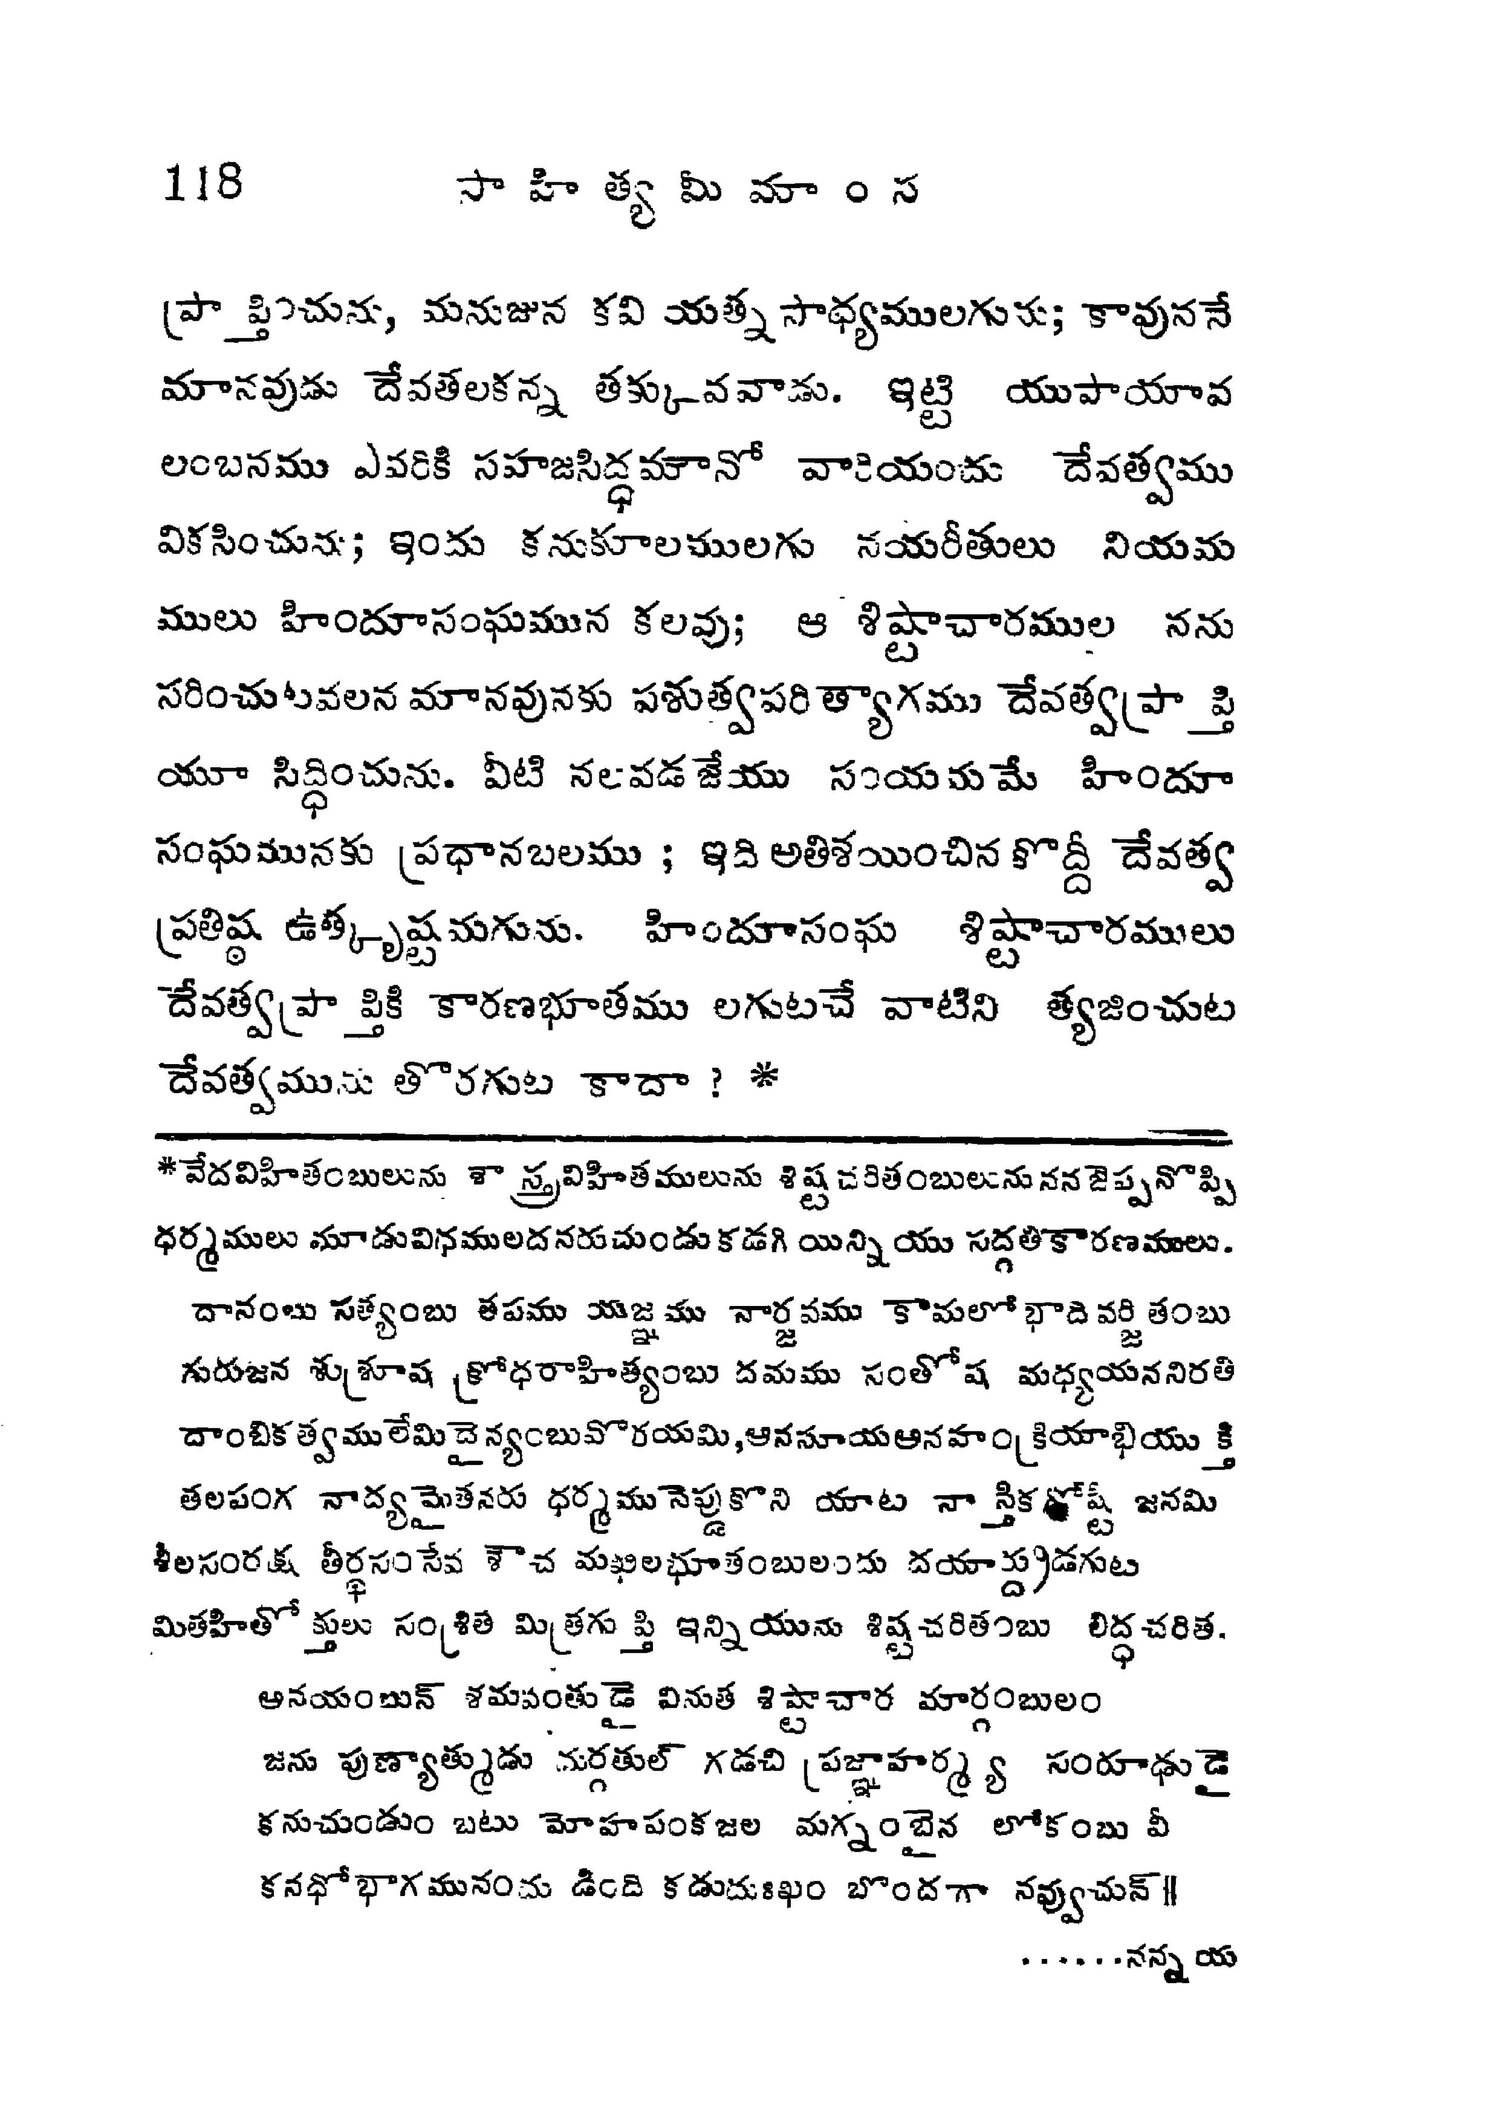ప్రాప్తించును, మనుజున కవి యత్న సాధ్యములగును; కావుననే మానవుడు దేవతలకన్న తక్కువవాడు. ఇట్టి యుపాయావలంబనము ఎవరికి సహజసిద్ధమౌనో వారియందు దేవత్వము వికసించును; ఇందు కనుకూలములగు నయరీతులు నియమములు హిందూసంఘమున కలవు; ఆ శిష్టాచారముల ననుసరించుటవలన మానవునకు పశుత్వపరిత్యాగము దేవత్వప్రాప్తియూ సిద్ధించును. వీటి నలవడజేయు సంయమమే హిందూ సంఘమునకు ప్రధానబలము; ఇది అతిశయించినకొద్దీ దేవత్వ ప్రతిష్ఠ ఉత్కృష్టమగును. హిందూసంఘ శిష్టాచారములు దేవత్వప్రాప్తికి కారణభూతము లగుటచే వాటిని త్యజించుట దేవత్వమును తొరగుట కాదా? *